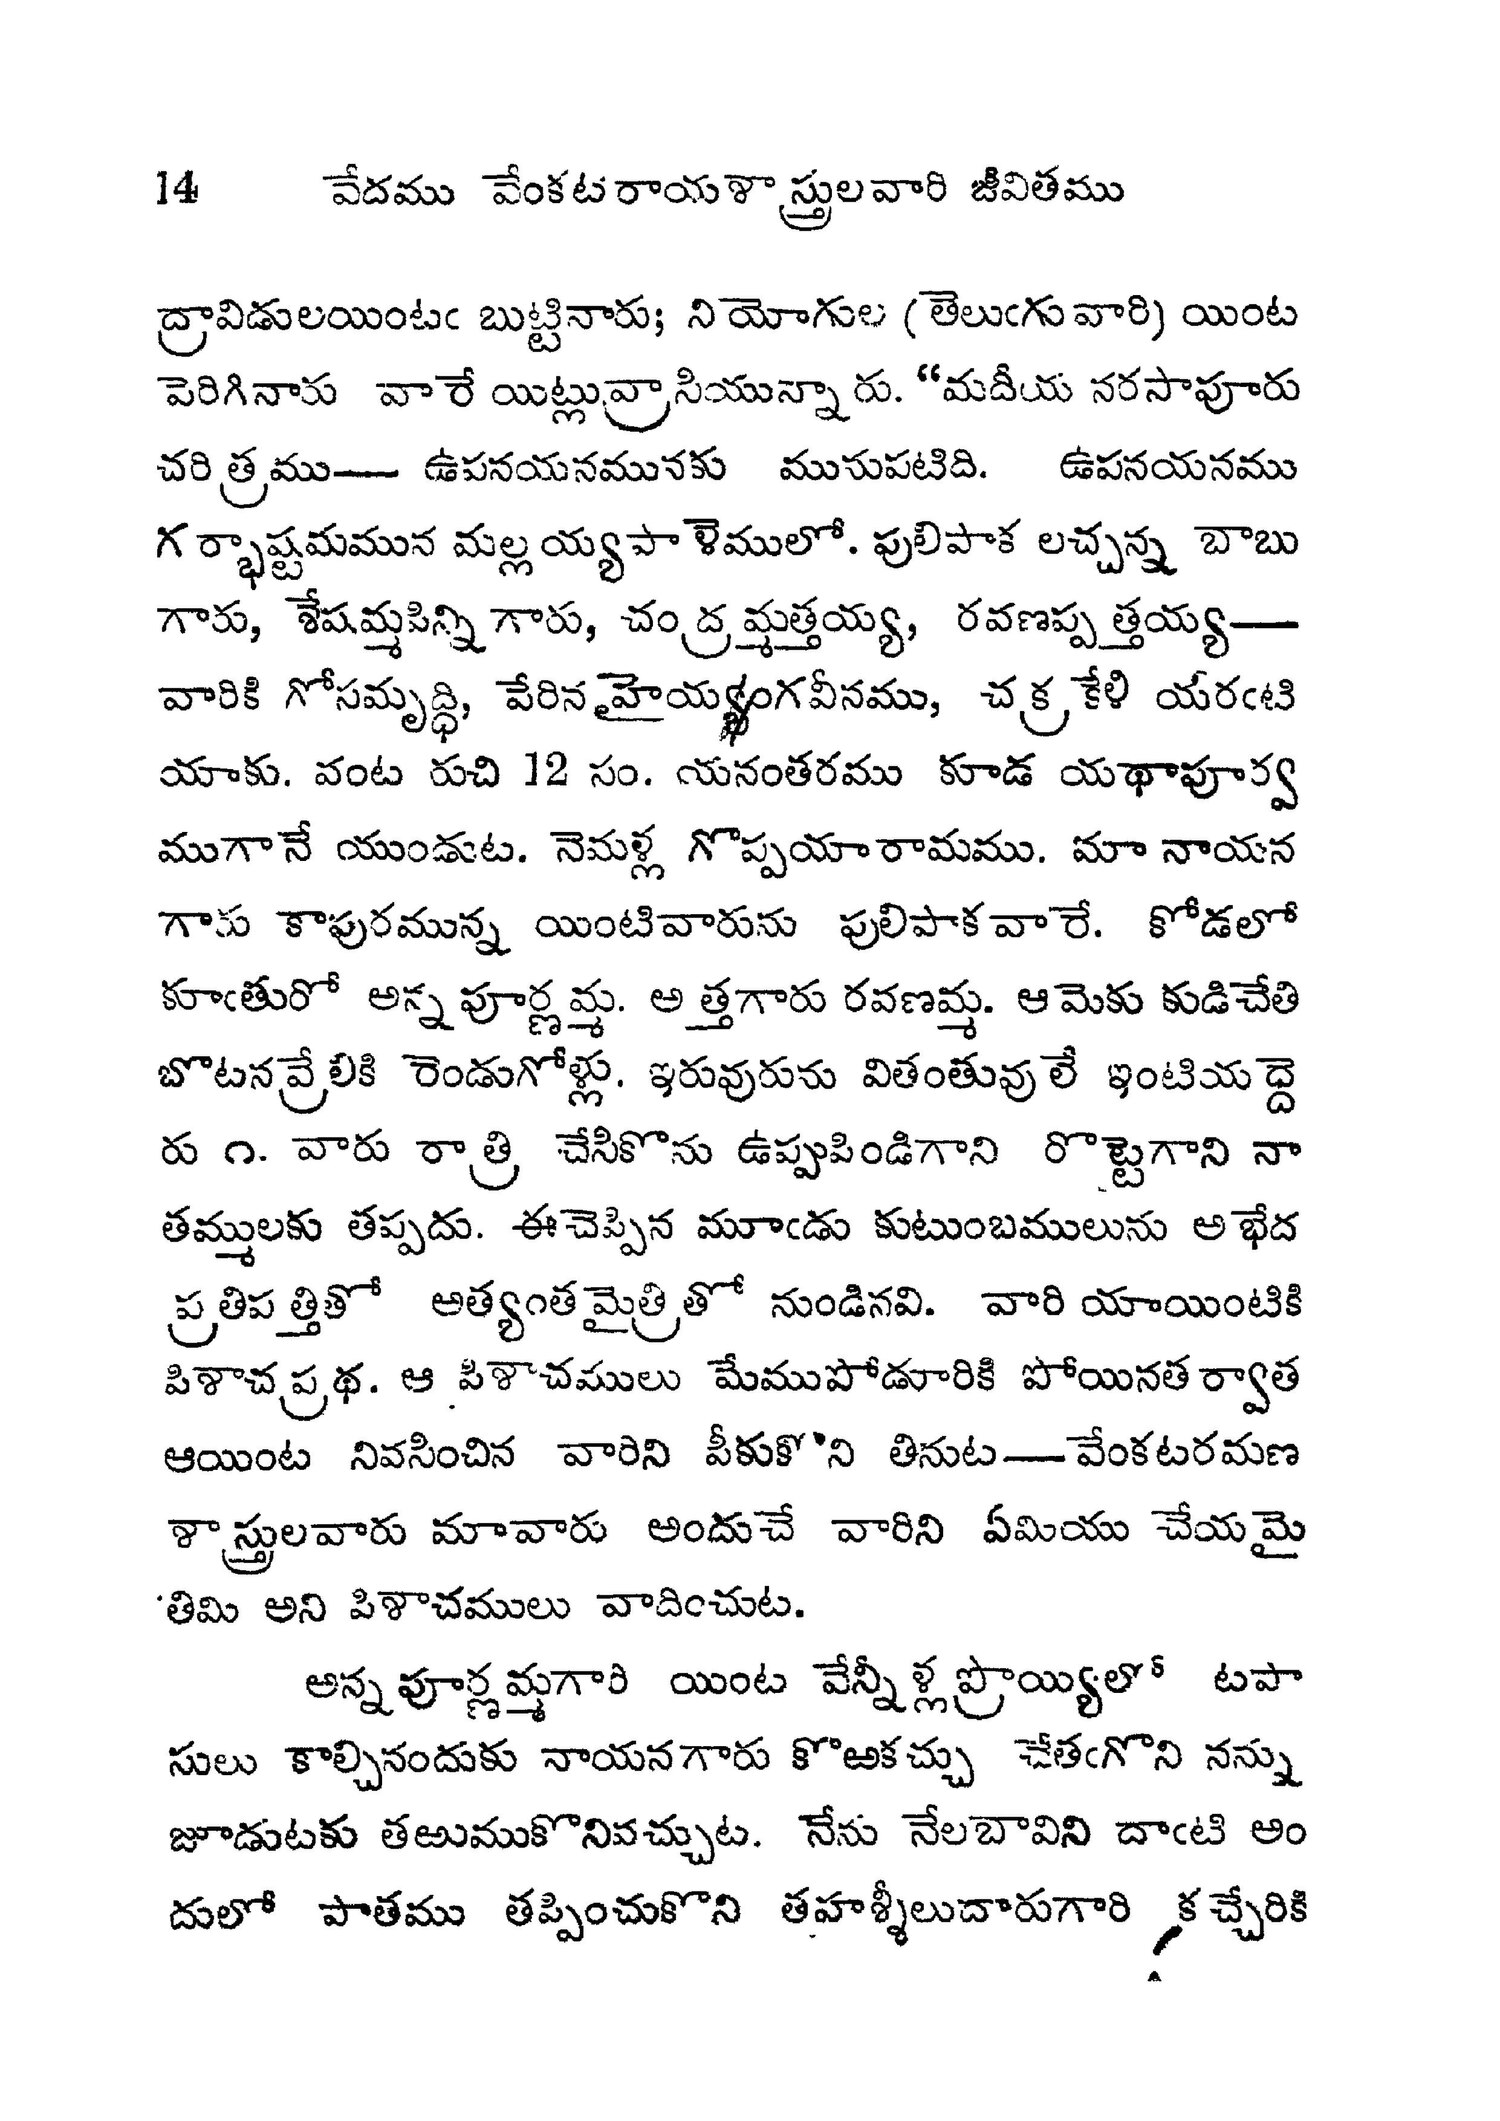ద్రావిడులయింట బుట్టినారు; నియోగుల (తెలుగువారి) యింట పెరిగినారు వారే యిట్లువ్రాసియున్నారు. "మదీయ నరసాపూరు చరిత్రము _ ఉపనయనమునకు మునుపటిది. ఉపనయనము గర్భాష్టమమున మల్లయ్యపాళెములో పులిపాక లచ్చన్న బాబుగారు, శేషమ్మపిన్నిగారు, చంద్రమ్మత్తయ్య, రవణప్పత్తయ్య - వారికి గోసమృద్ధి, పేరిన హైయంగవీనము, చక్ర కేళి యరటియాకు. వంట రుచి 12 సం. యనంతరము కూడ యథాపూర్వముగానే యుండుట. నెమళ్ల గొప్పయారామము. మా నాయనగారు కాపురమున్న యింటివారును పులిపాకవారే. కోడలో కూతురో అన్నపూర్ణమ్మ. అత్తగారు రవణమ్మ. ఆమెకు కుడిచేతి బొటనవ్రేలికి రెండుగోళ్లు. ఇరువురును వితంతువులే ఇంటియద్దె రు 1. వారు రాత్రి చేసికొను ఉప్పుపిండిగాని రొట్టెగాని నాతమ్ములకు తప్పదు. ఈ చెప్పిన మూడు కుటుంబములును అభేదప్రతిపత్తితో అత్యంతమైత్రితో నుండినవి. వారి యాయింటికి పిశాచప్రథ. ఆ పిశాచములు మేముపోడూరికి పోయినతర్వాత ఆయింట నివసించిన వారిని పీకుకొని తినుట - వేంకటరమణశాస్త్రులవారు మావారు అందుచే వారిని ఏమియు చేయమైతిమి అని పిశాచములు వాదించుట.

అన్నపూర్ణమ్మగారి యింట వేన్నీళ్లప్రొయ్యిలో టపాసులు కాల్చినందుకు నాయనగారు కొఱకచ్చు చేతగొని నన్ను జూడుటకు తఱుముకొనివచ్చుట. నేను నేలబావిని దాటి అందులో పాతము తప్పించుకొని తహశ్శీలుదారుగారి కచ్చేరికి